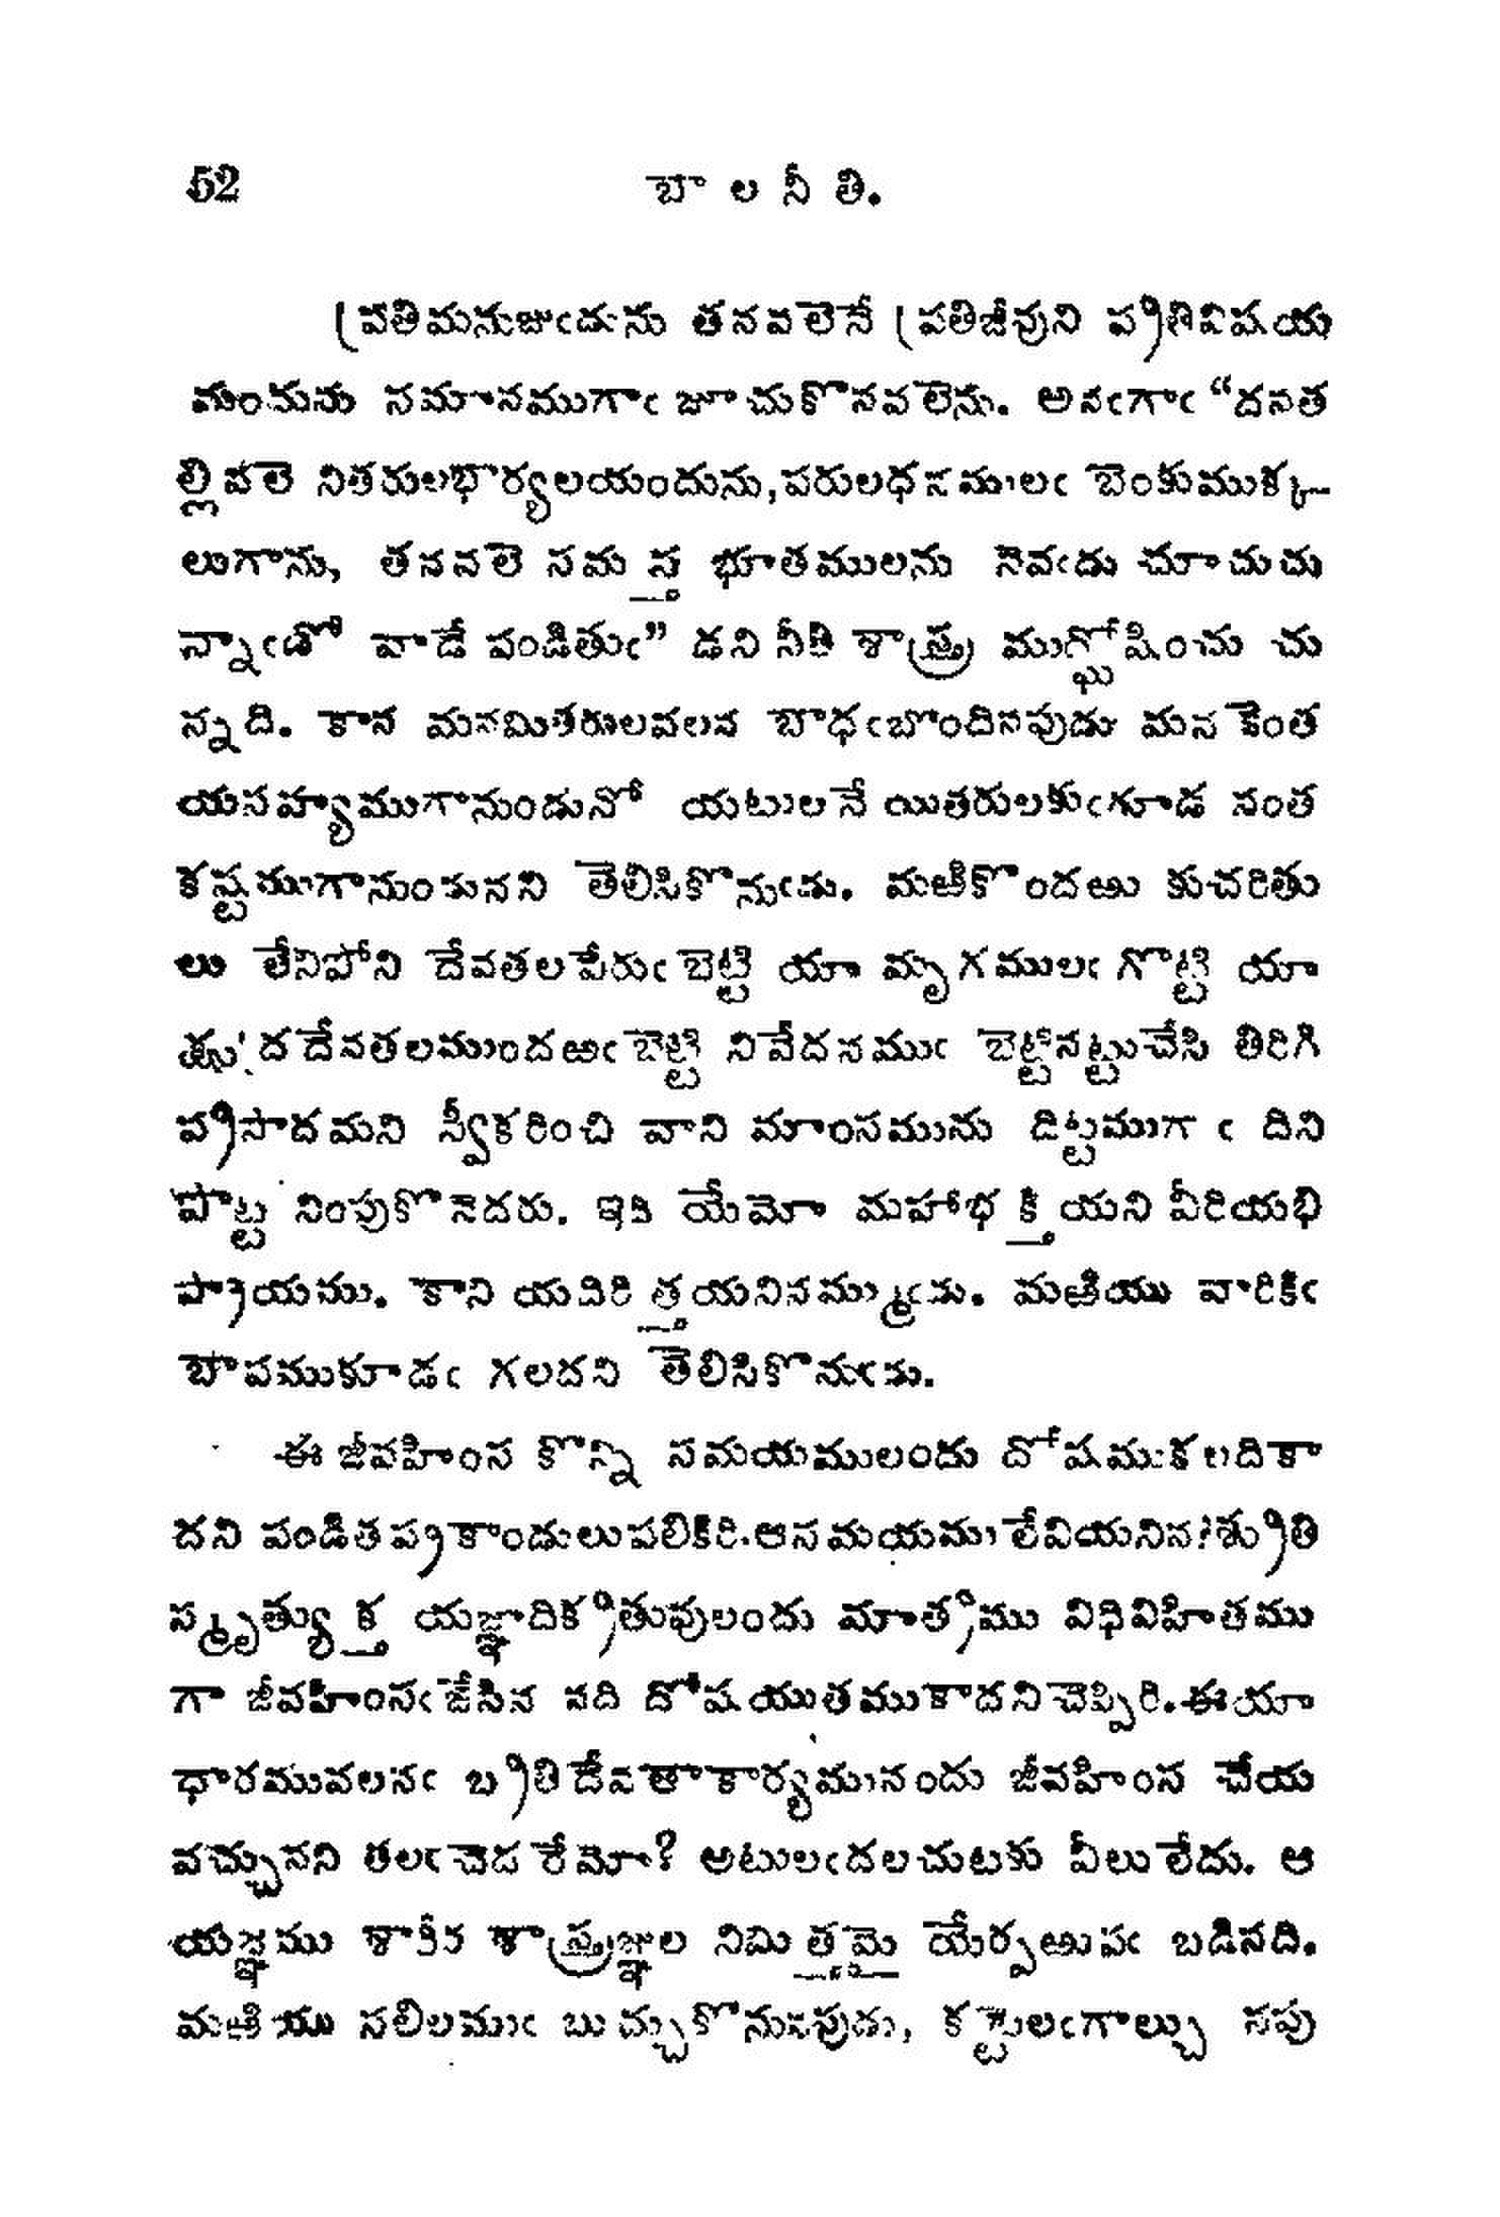ప్రతిమనుజుఁడును తనవలెనే ప్రతిజీవుని ప్రతివిషయ
మందును సమానముగాఁ జూచుకొనవలెను. అనఁగాఁ "దనత
ల్లివలె నితరులభార్యలయందును, పరులధనములఁ బెంకుముక్క
లుగాను, తనవలె సమస్త భూతములను నెవఁడు చూచుచు
న్నాఁడో వాడే పండితుఁ" డని నీతి శాస్త్రముద్ఘోషించు చు
న్నది. కాన మనమితరులవలన బాధఁబొందినపుడు మనకెంత 
యసహ్యముగానుండునో యటులనే యితరులకుఁగూడ నంత 
కష్టముగానుండునని తెలిసికొనుఁడు. మఱికొందఱు కుచరితు
లు లేనిపోని దేవతలపేరుఁబెట్టి యామృగములఁ గొట్టి యా
క్షుద్రదేవతలముందఱఁబెట్టి నివేదనముఁ బెట్టినట్టుచేసి తిరిగి 
ప్రసాదమని స్వీకరించి వాని మాంసమును దిట్టముగాఁ దిని 
పొట్టనింపుకొనెదరు. ఇది యేమో మహాభక్తియని వీరియభి
ప్రాయము. కాని యదిరిత్తయనినమ్ముఁడు. మఱియు వారికిఁ 
బాపముకూడఁ గలదని తెలిసికొనుఁడు.

ఈ జీవహింస కొన్ని సమయములందు దోషముకలదికా
దని పండితప్రకాండులుపలికిరి. ఆసమయములేవియనిన? శ్రుతి
స్మృత్యుక్త యజ్ఞాదిక్రతువులందు మాత్రము విధివిహితము
గా జీవహింసఁజేసిన నది దోషయుతముకాదని చెప్పిరి. ఈయా
ధారమువలనఁ బ్రతిదేవతాకార్యమునందు జీవహింస చేయ 
వచ్చునని తలఁచెదరేమో? అటులఁదలచుటకు వీలులేదు. ఆ 
యజ్ఞము శారీర శాస్త్రజ్ఞుల నిమిత్తమై యేర్పఱుపఁ బడినది. 
మఱియు సలిలముఁ బుచ్చుకొనునపుడు, కట్టెలఁగాల్చు నపు